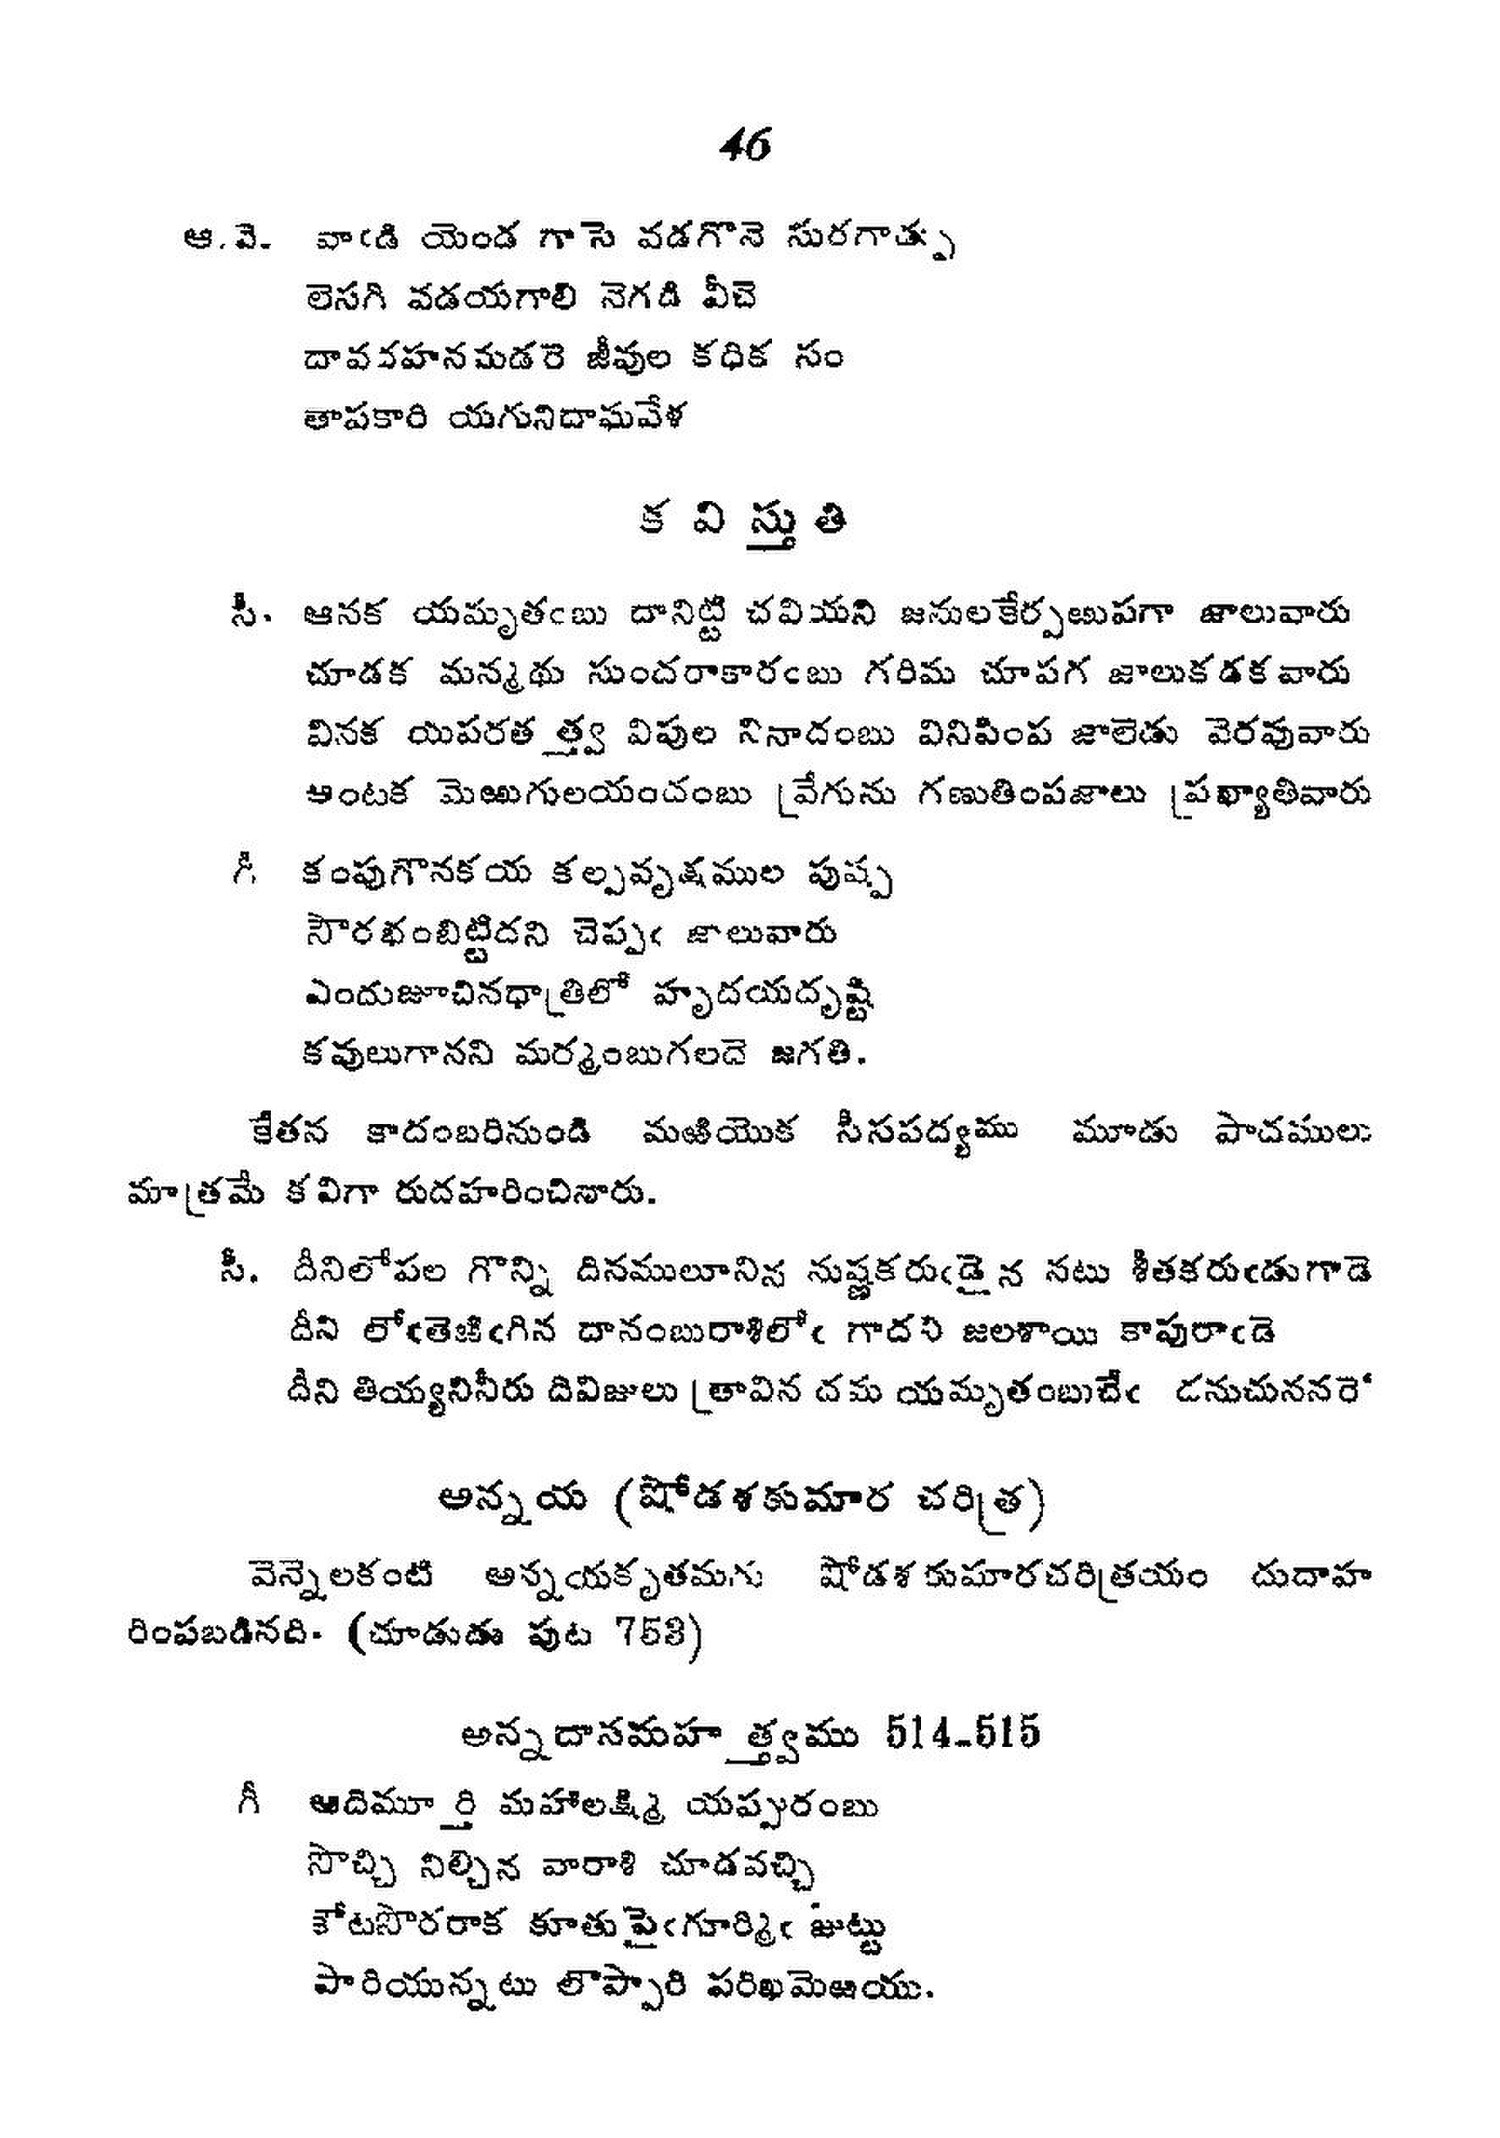ఆ.వె.వాడి యెండ గాసె వడగొనె సురగాడ్పు
లెసరి వడయగాలి నెగడి వీచె
దావదహనమడరె జీవుల కధిక సం
తాపకారి యగునిదాఘవేళ

సీ, ఆనక యమృతంబు దానిట్టి చవియని జనులకేర్పఱుపగా జాలువారు
చూడక మన్మథు సుందరాకారంబు గరిమ చూపగ జాలుకడక వారు
వినక యపరతత్త్వ విపుల నినాదంబు వినిపింప జాలేడు వెరపువారు
అంటక మెఱలుగులయందంబు వ్రేగును గణుతింపజాలు ప్రఖ్యాతివారు

గీ కంపుగొనకయ కల్పవృక్షముల పుష్ప
సౌరభంబిట్టిదని చెప్పఁ జాలువారు
ఎందుజూచినధాత్రిలో హృదయదృష్టి
కవులుగానని మర్మంబు గలదె జగతి.

కేతన కాదంబరినుండి మఱియొక సీసపద్యము మూడు పాదములు
మాత్రమే కవిగా రుదహరించినారు.

సీ. దీనిలోపల గొన్ని దినములూనిన సుష్ఠకరుఁడైన సటు శీతకరుఁడుగా డె
దీని లోఁతెఱి గిన దానంబురాశిలోఁ గాదని జలశాయి కాపురాఁడె
దీని తియ్యనినీరు దివిజులు త్రావిన దమ యమృతంబుబేఁ డనుచుననరె*

వెన్నెలకంటి అన్నయకృతమగు షోడశ కుమార చరిత్రయం దుదాహ
రింపబడినది. (చూడుడు పుట 768)

ఆదిమూర్తి మహాలక్ష్మి యప్పురంబు
సొచ్చి నిల్చిన వారాశి చూడవచ్చి
కోటసొరరాక కూతు పైఁగూర్మిఁ జుట్టు
పారియున్నటు లొప్పారీ పరిఖమెఱయు.